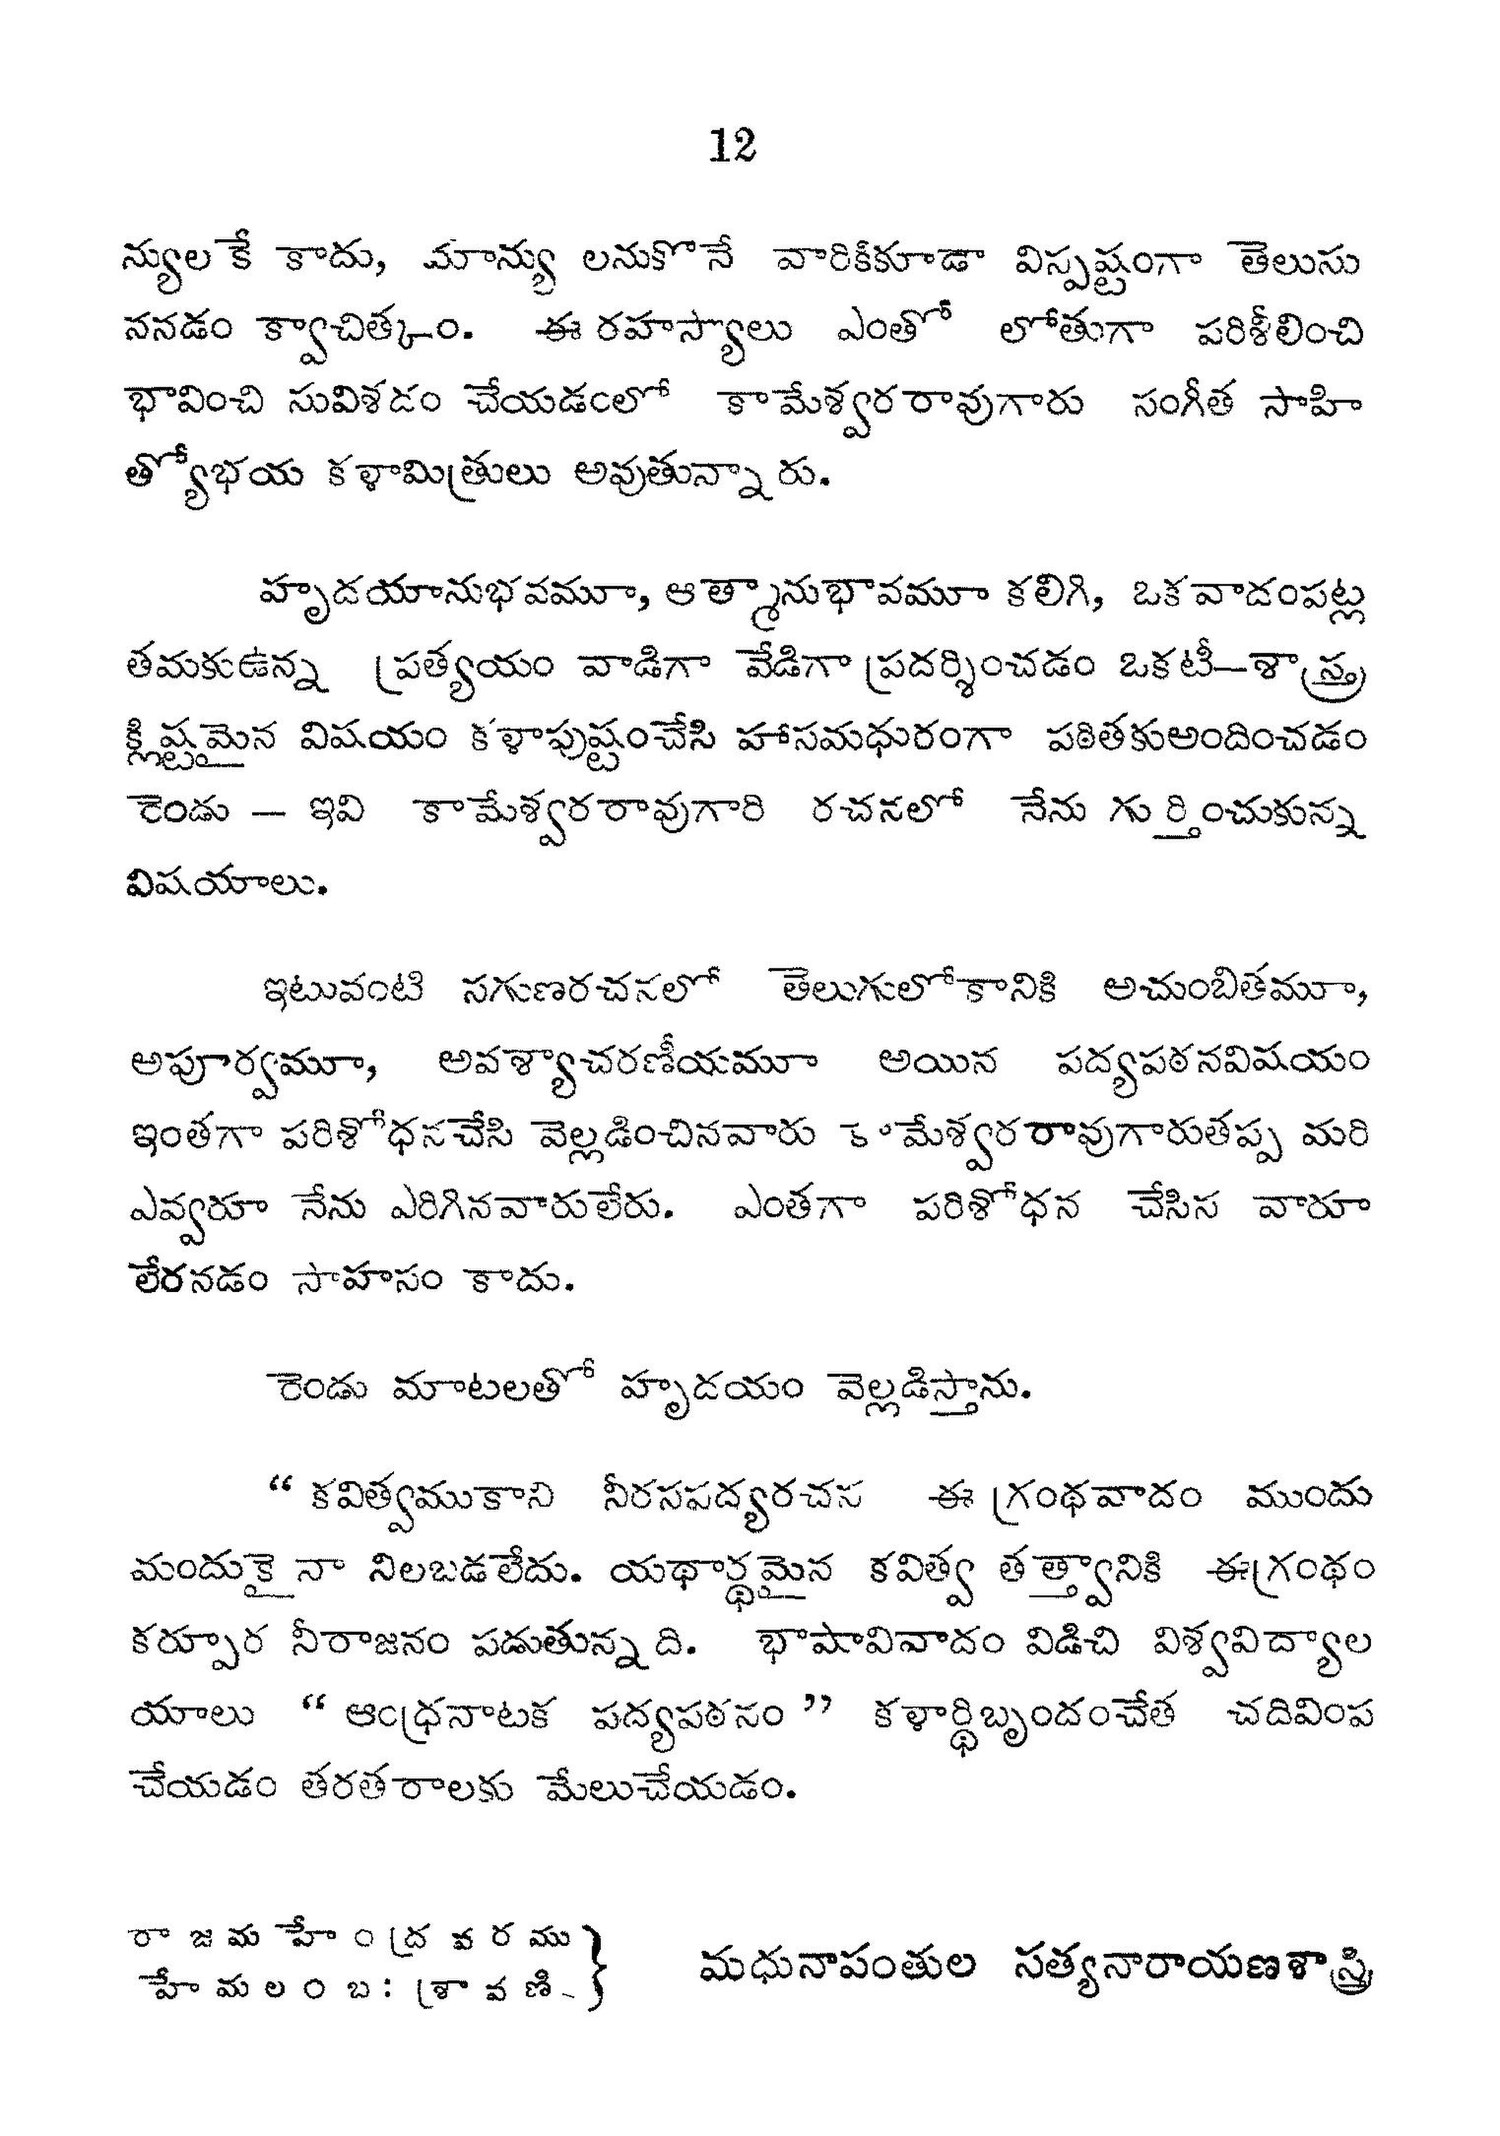న్యులకే కాదు, మాన్యు లనుకొనే వారికికూడా విస్పష్టంగా తెలుసు
ననడం క్వాచిత్కం. ఈ రహస్యాలు ఎంతో లోతుగా పరిశీలించి
భావించి సువిశదం చేయడంలో కామేశ్వరరావుగారు సంగీత సాహి
త్యోభయ కళామిత్రులు అవుతున్నారు.

హృదయానుభవమూ, ఆత్మానుభావమూ కలిగి, ఒక వాదంపట్ల
తమకుఉన్న ప్రత్యయం వాడిగా వేడిగా ప్రదర్శించడం ఒకటీ - శాస్త్ర
క్లిష్టమైన విషయం కళ్ళాపుష్టంచేసి హాసమధురంగా పఠితకుఅందించడం
రెండు - ఇవి కామేశ్వరరావుగారి రచనలో నేను గుర్తించుకున్న
విషయాలు.

ఇటువంటి సగుణరచనలో తెలుగులోకానికి అచుంబితమూ,
అపూర్వమూ, అవశ్యాచరణీయమూ అయిన పద్యపఠనవిషయం
ఇంతగా పరిశోధనచేసి వెల్లడించినవారు కామేశ్వరరావుగారుతప్ప మరి
ఎవ్వరూ నేను ఎరిగినవారులేరు. ఎంతగా పరిశోధన చేసిన వారూ
లేరనడం సాహసం కాదు.

రెండు మాటలతో హృదయం వెల్లడిస్తాను.

కవిత్వముకాని నీరసపద్యరచన ఈ గ్రంథవాదం ముందు
మందుకైనా నిలబడలేదు. యథార్థమైన కవిత్వ తత్త్వానికి ఈగ్రంథం
కర్పూర నీరాజనం పడుతున్నది. భాషావివాదం విడిచి విశ్వవిద్యాల
యాలు "ఆంధ్రనాటక పద్యపఠనం " కళార్థిబృందంచేత చదివింప
చేయడం తరతరాలకు మేలుచేయడం.